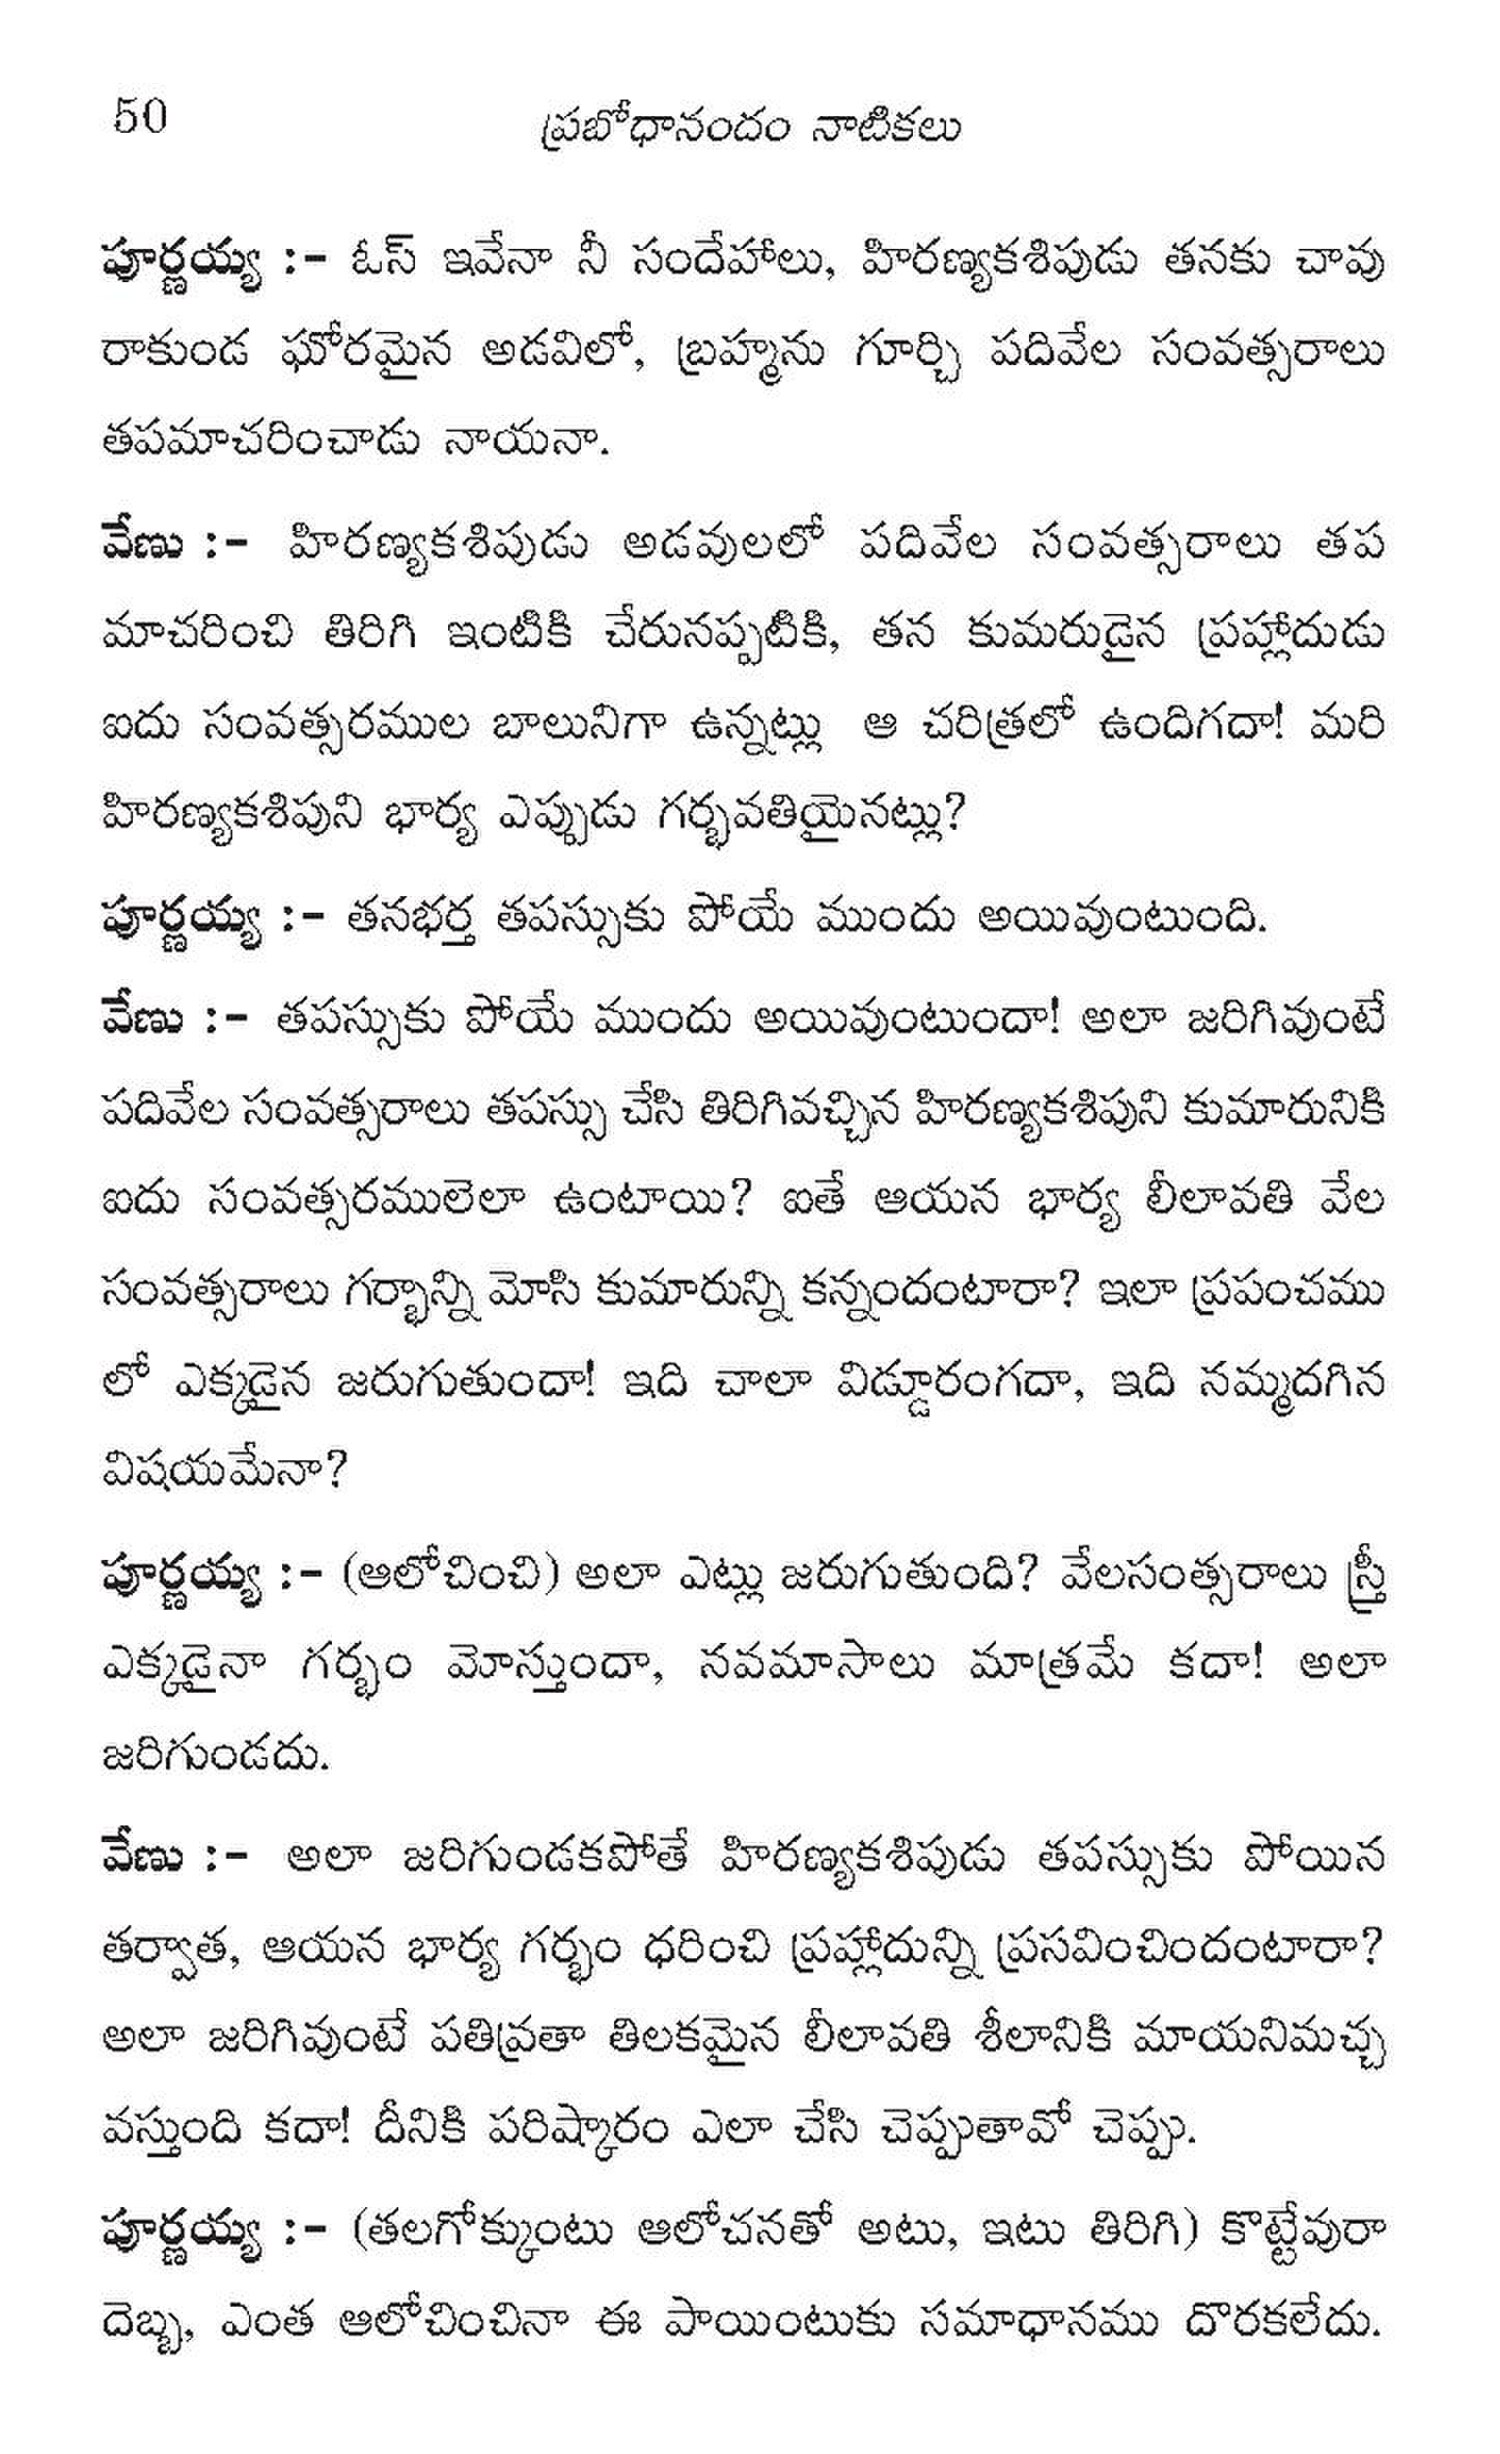పూర్ణయ్య :- ఓస్‌ ఇవేనా నీ సందేహాలు, హిరణ్యకశిపుడు తనకు చావు రాకుండ ఘోరమైన అడవిలో, బ్రహ్మను గూర్చి పదివేల సంవత్సరాలు తపమాచరించాడు నాయనా.

వేణు :- హిరణ్యకశిపుడు అడవులలో పదివేల సంవత్సరాలు తప మాచరించి తిరిగి ఇంటికి చేరునప్పటికి, తన కుమరుడైన ప్రహ్లాదుడు ఐదు సంవత్సరముల బాలునిగా ఉన్నట్లు ఆ చరిత్రలో ఉందిగదా! మరి హిరణ్యకశిపుని భార్య ఎప్పుడు గర్భవతియైనట్లు?

పూర్ణయ్య :- తనభర్త తపస్సుకు పోయే ముందు అయివుంటుంది.

వేణు :-	 తపస్సుకు పోయే ముందు అయివుంటుందా! అలా జరిగివుంటే పదివేల సంవత్సరాలు తపస్సు చేసి తిరిగివచ్చిన హిరణ్యకశిపుని కుమారునికి ఐదు సంవత్సరములెలా ఉంటాయి? ఐతే ఆయన భార్య లీలావతి వేల సంవత్సరాలు గర్భాన్ని మోసి కుమారున్ని కన్నందంటారా? ఇలా ప్రపంచము లో ఎక్కడైన జరుగుతుందా! ఇది చాలా విడ్డూరంగదా, ఇది నమ్మదగిన విషయమేనా?

పూర్ణయ్య :- (ఆలోచించి) అలా ఎట్లు జరుగుతుంది? వేలసంత్సరాలు స్త్రీ ఎక్కడైనా గర్భం మోస్తుందా, నవమాసాలు మాత్రమే కదా! అలా జరిగుండదు.

వేణు :-	 అలా జరిగుండకపోతే హిరణ్యకశిపుడు తపస్సుకు పోయిన తర్వాత, ఆయన భార్య గర్భం ధరించి ప్రహ్లాదున్ని ప్రసవించిందంటారా? అలా జరిగివుంటే పతివ్రతా తిలకమైన లీలావతి శీలానికి మాయనిమచ్చ వస్తుంది కదా! దీనికి పరిష్కారం ఎలా చేసి చెప్పుతావో చెప్పు.

పూర్ణయ్య :- (తలగోక్కుంటు ఆలోచనతో అటు, ఇటు తిరిగి) కొట్టేవురా దెబ్బ, ఎంత ఆలోచించినా ఈ పాయింటుకు సమాధానము దొరకలేదు.